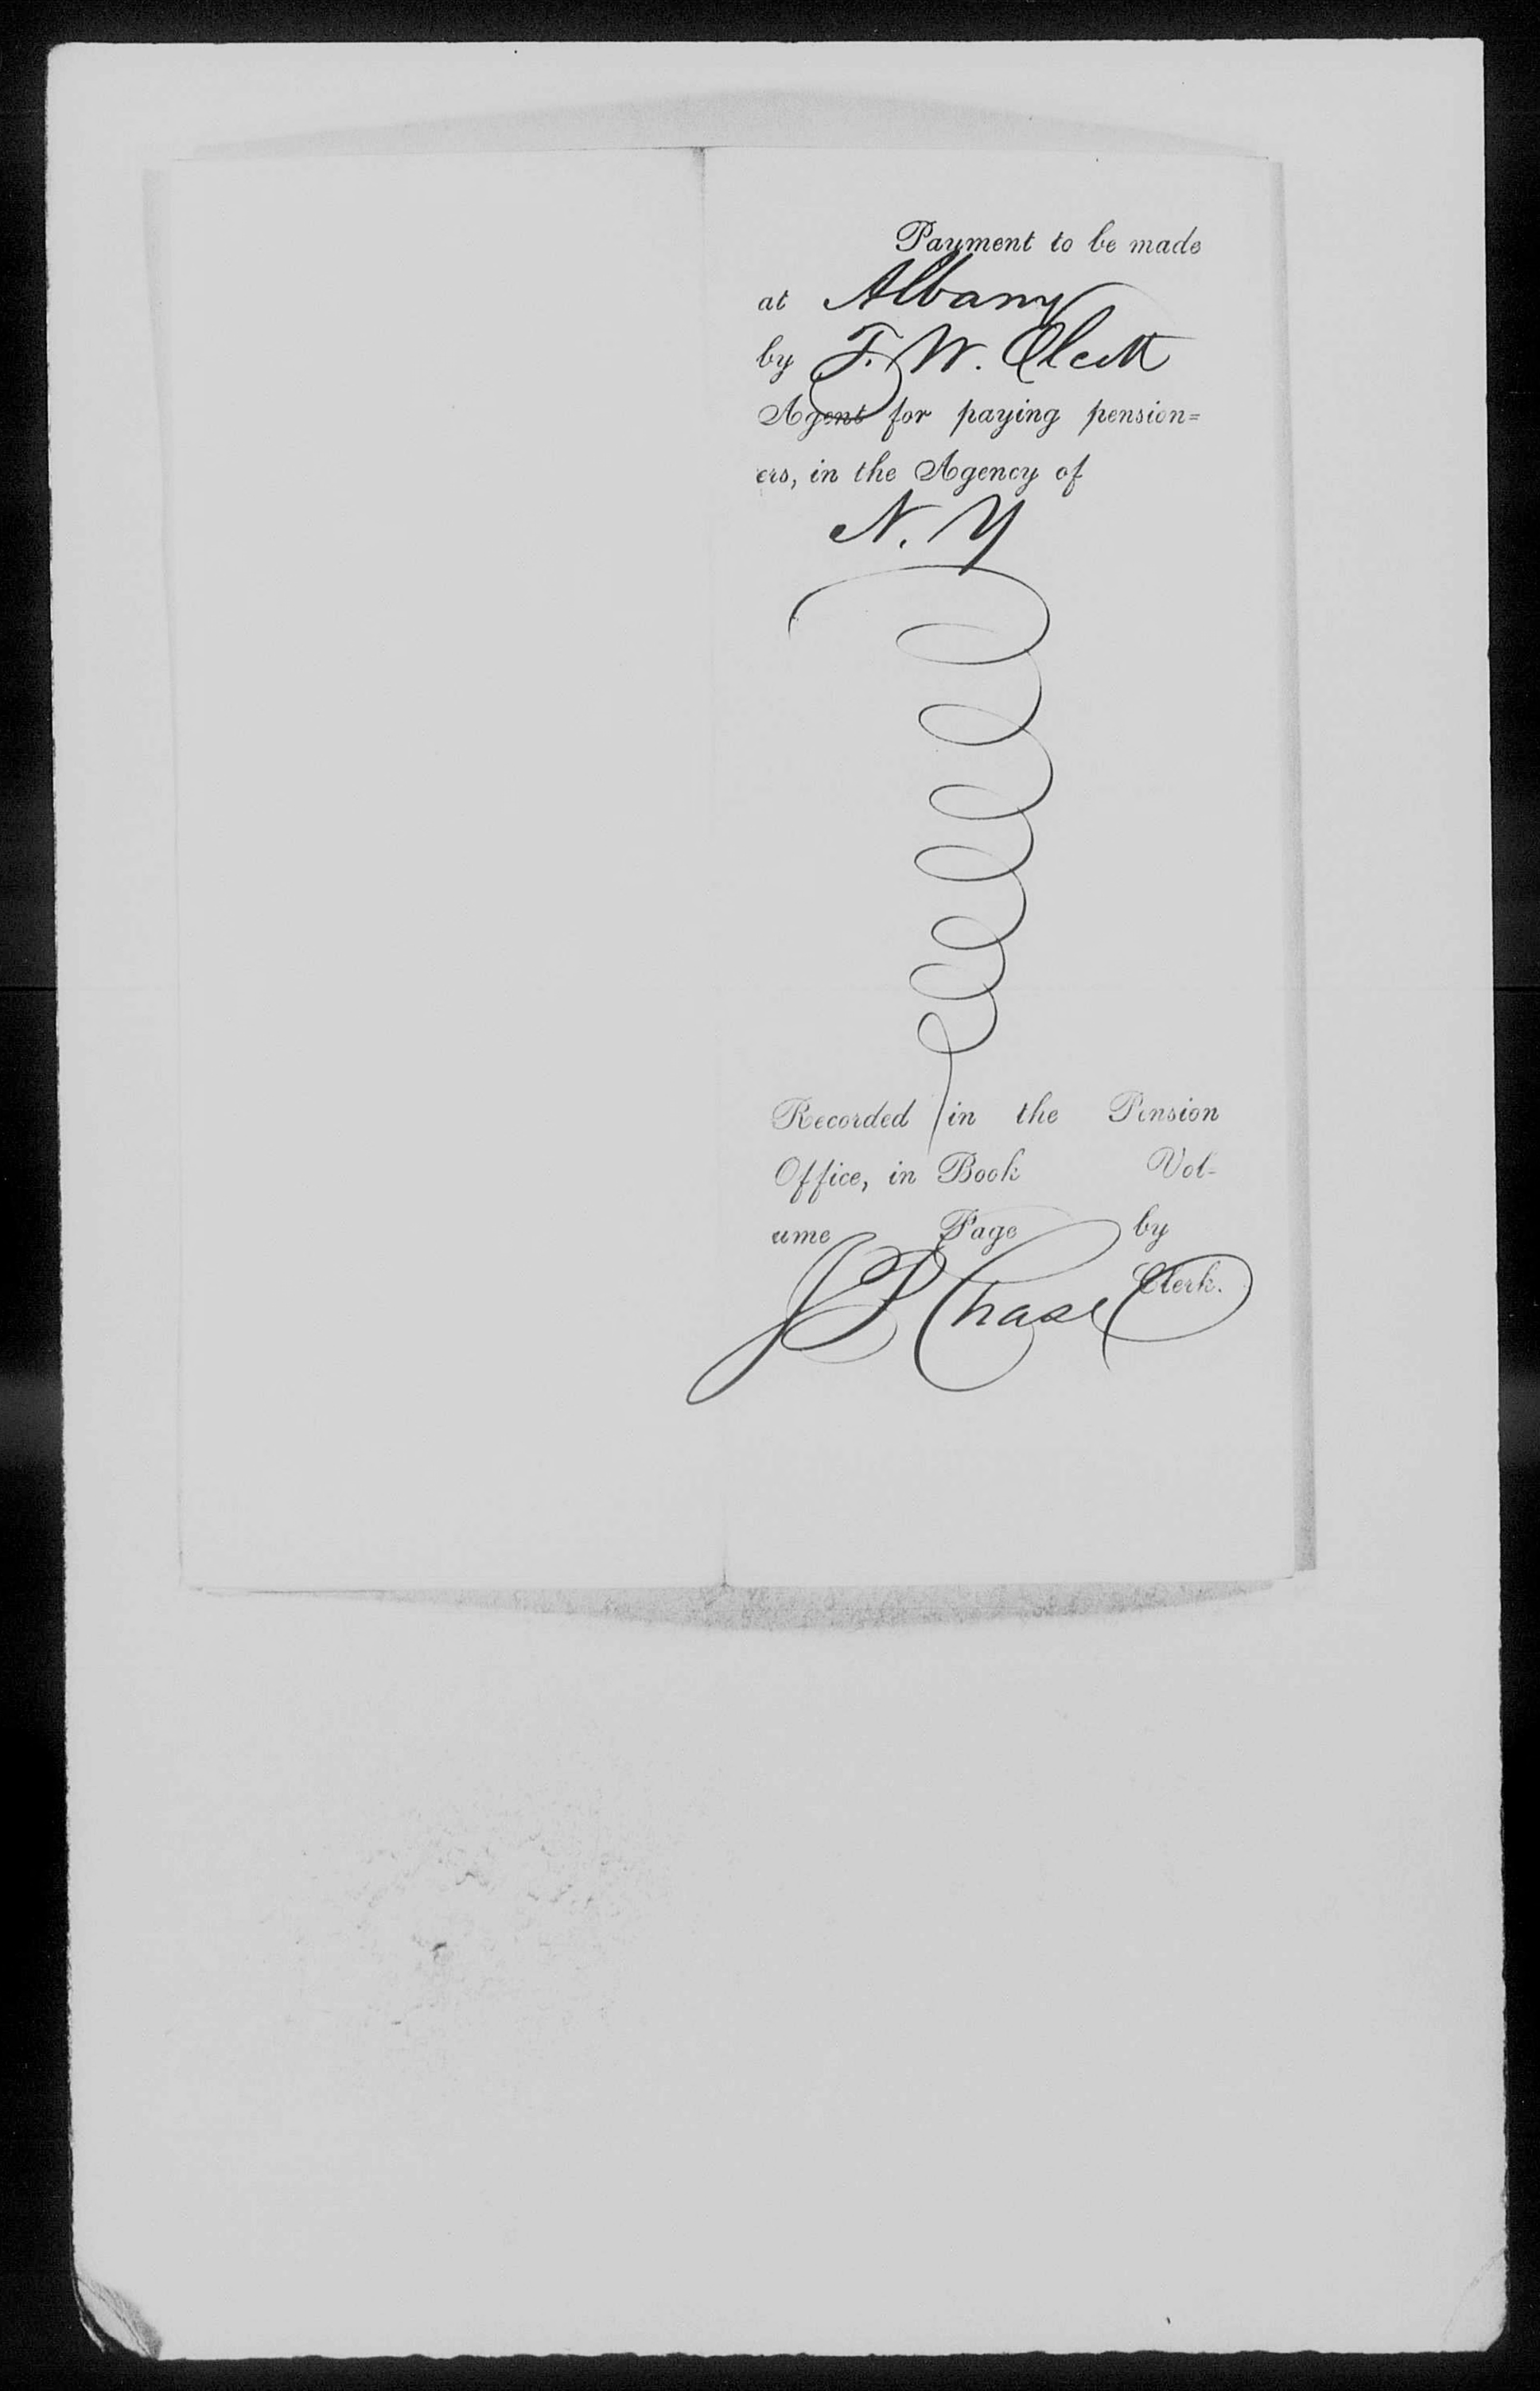Payment to be made at Albany by T. W. Olcott Agent for paying pensioners, in the Agency of N. Y

Recorded in the Pension Office, in Book  Volume  Page by
J P Chase Clerk.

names: J P Chase, T W Olcott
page: 23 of 106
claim: survivor's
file: S 23,116., Joshua Benedict, Conn.